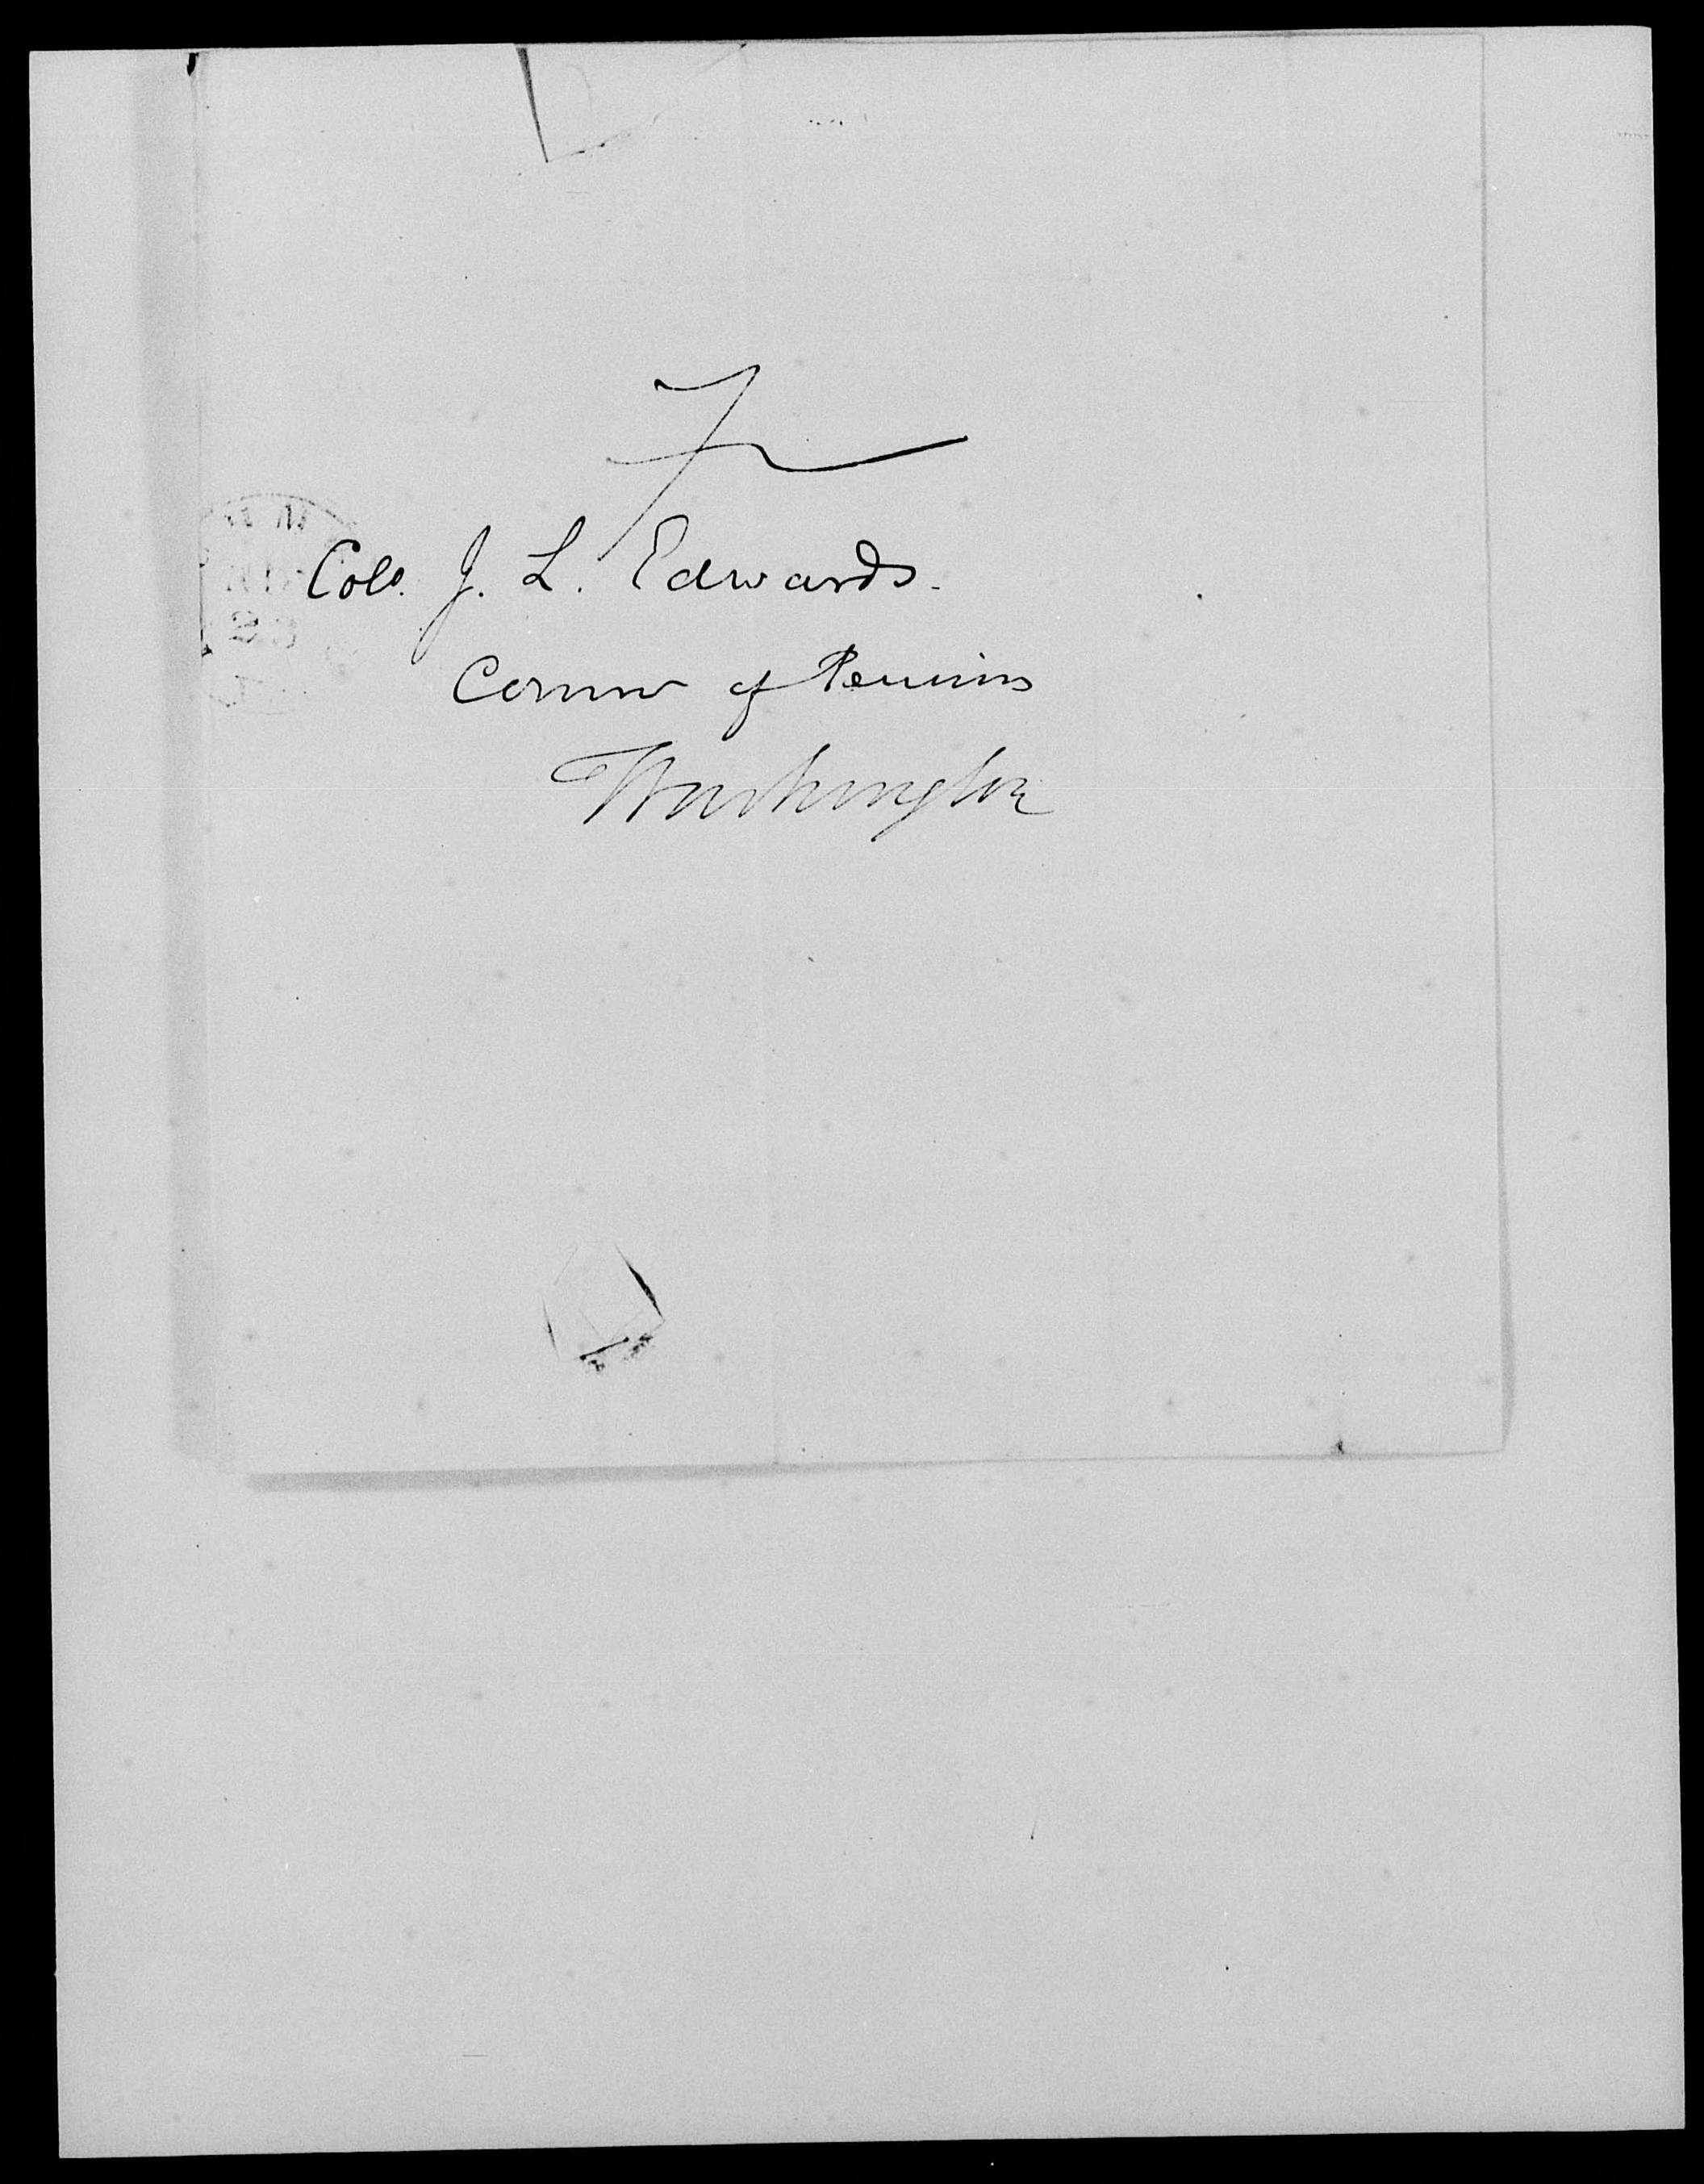(Handwritten document)

(Stamped, round containing: 23)

F
Col. J. L. Edwards
Comm od Pensions
Washington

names: J L Edwards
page: 32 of 37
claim: rejected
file: R. 6521, for Dickeson Lumpkin, Pennsylvania